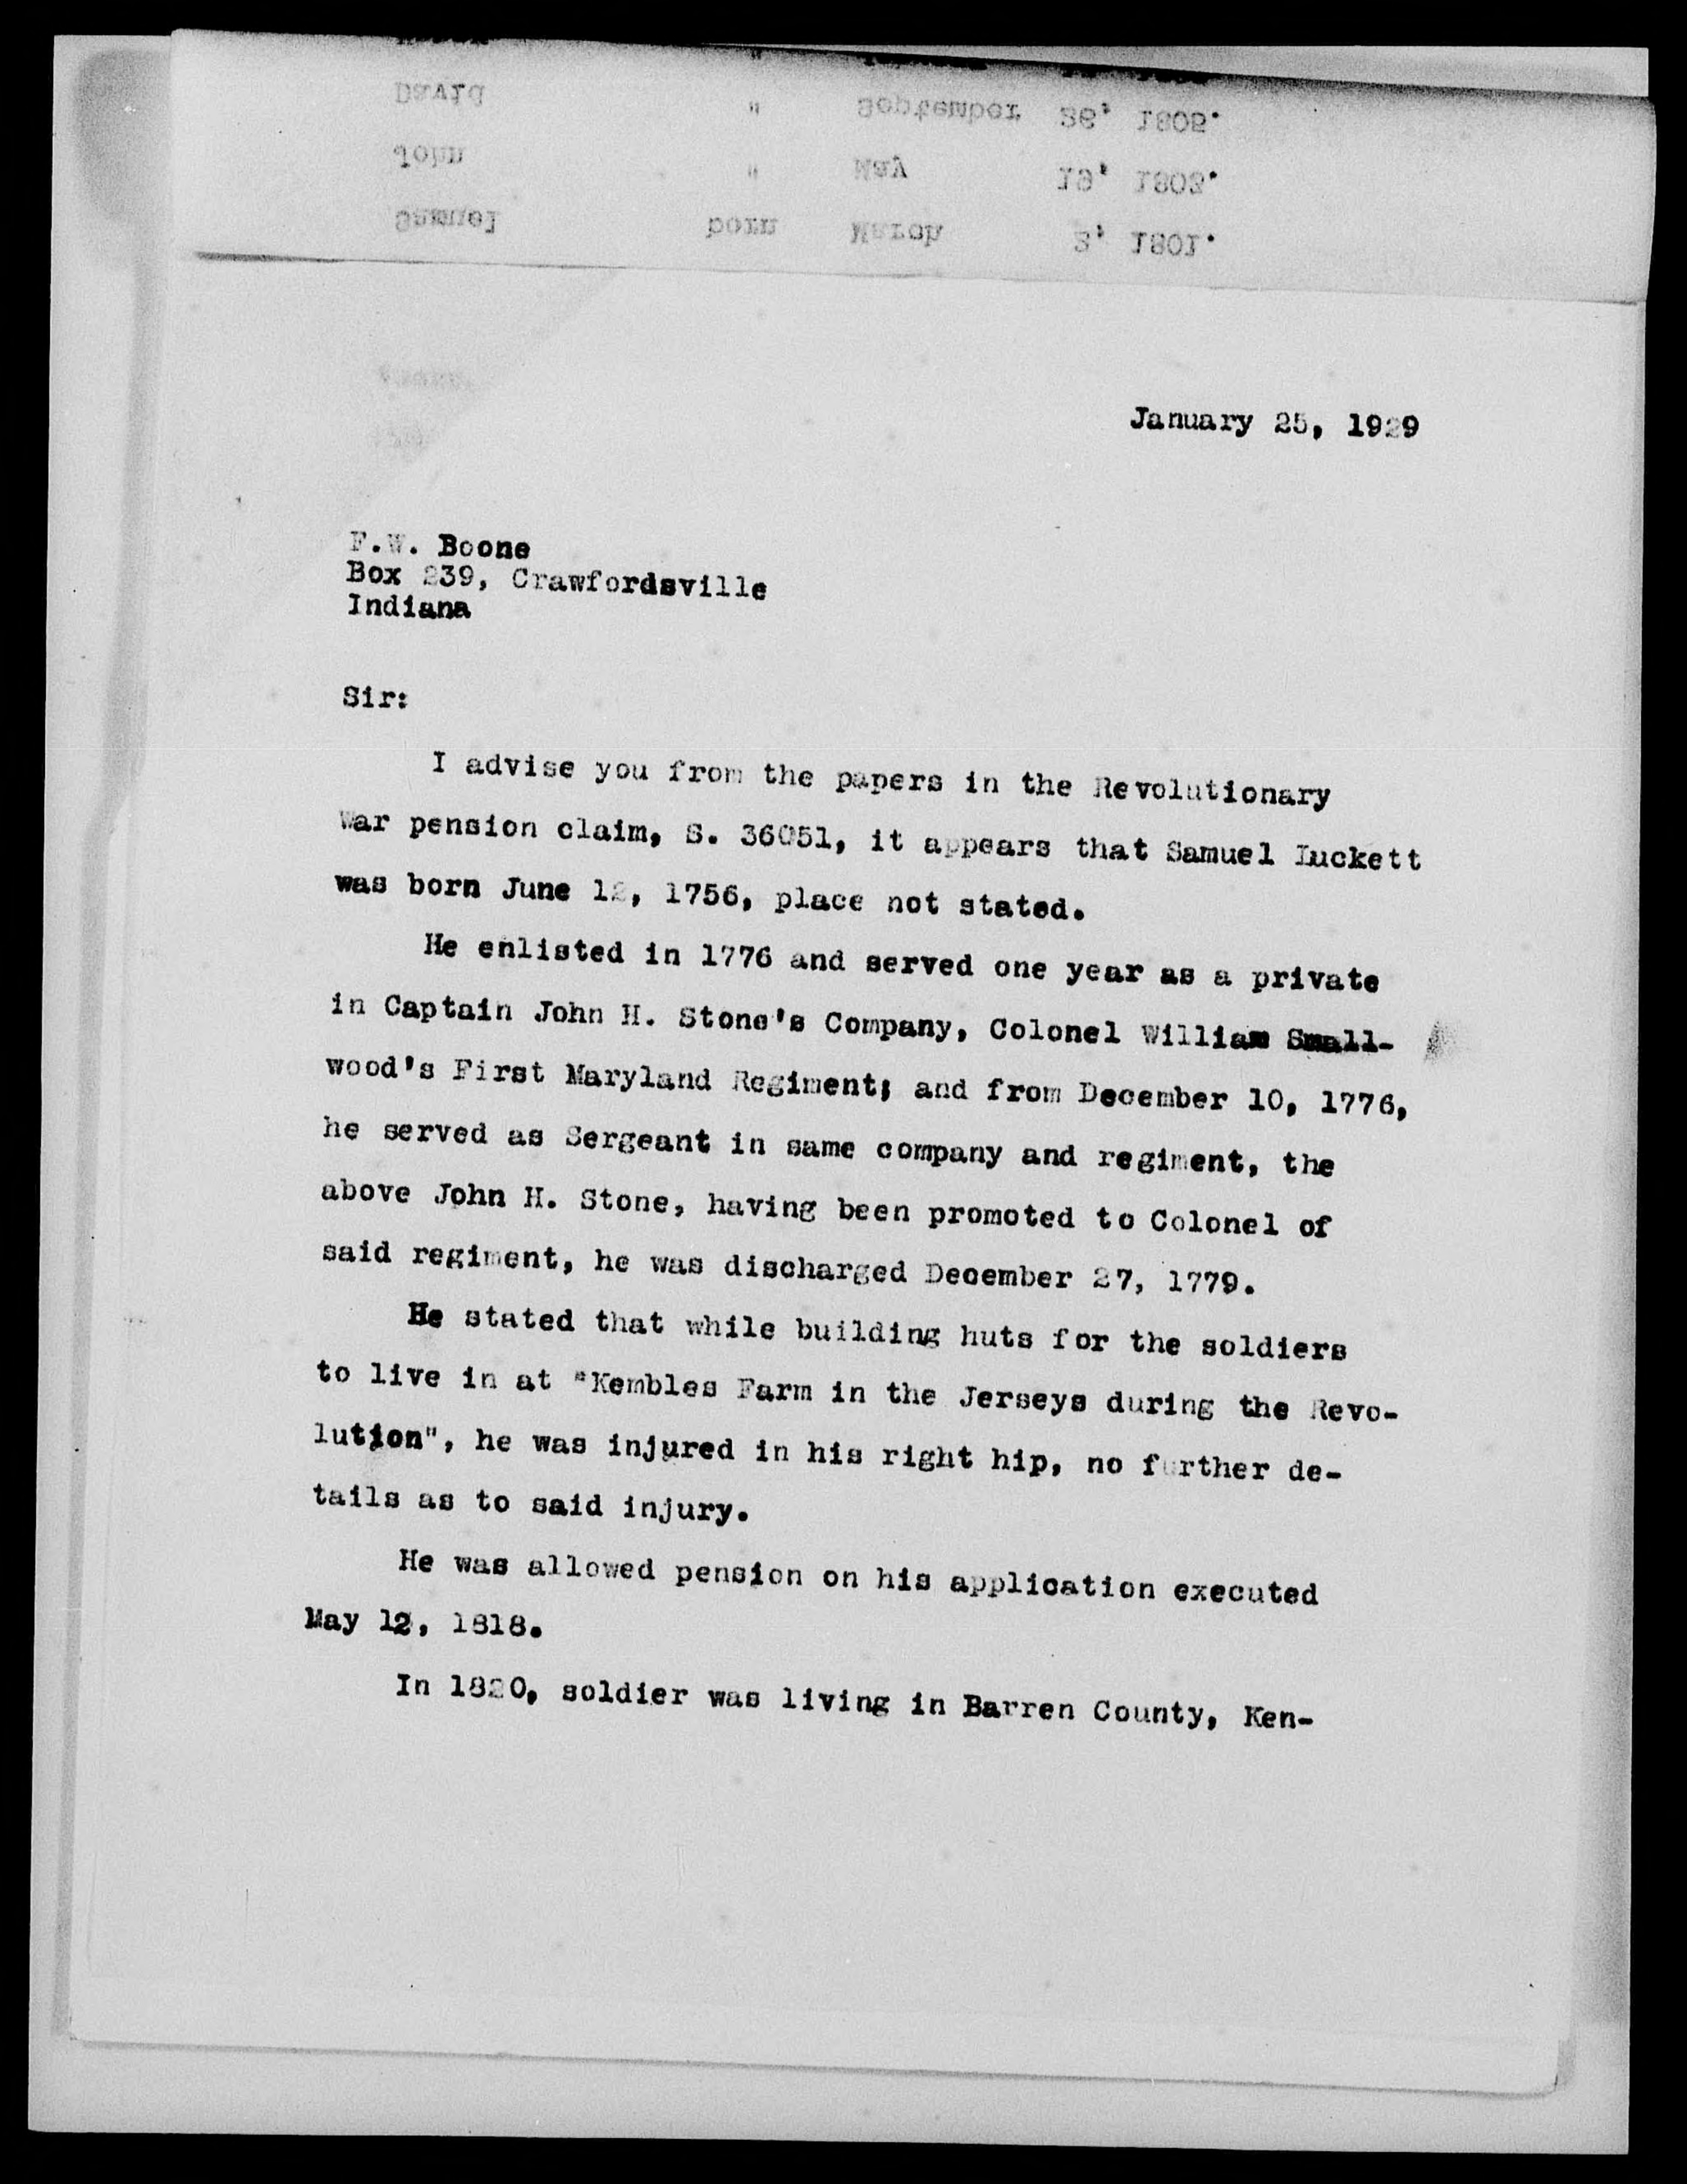January 25, 1929

F.W. Boone
Box 239 Crawfordsville
Indiana

Sir

I advise you from the papers in the Revolutionary War pension claim S.36051 it appears that Samuel Luckett was born June 12, 1756, place not stated.

He enlisted in 1776 and served one year as a private in Captain John H Stone's Company, Colonel William Smallwood's First Maryland Regiment and from December 19, 1776, he served as Sergeant in same company and regiment the above John H Stone having been promoted to Colonel of said regiment, he was discharged December 27, 1779.

He stated that while building huts for the soldiers to live in at "Kembles Farm in the Jerseys during the Revolution" he was injured in his right hip, no further details as to said injury.

He was allowed pension on his application executed May12, 1818.

In 1820, soldier was living in Barren County, Ken-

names: John H Stone; Samuel Luckett; F W Boone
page: 31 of 34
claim: survivor's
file: S. 36,051, for Samuel Luckett, Maryland